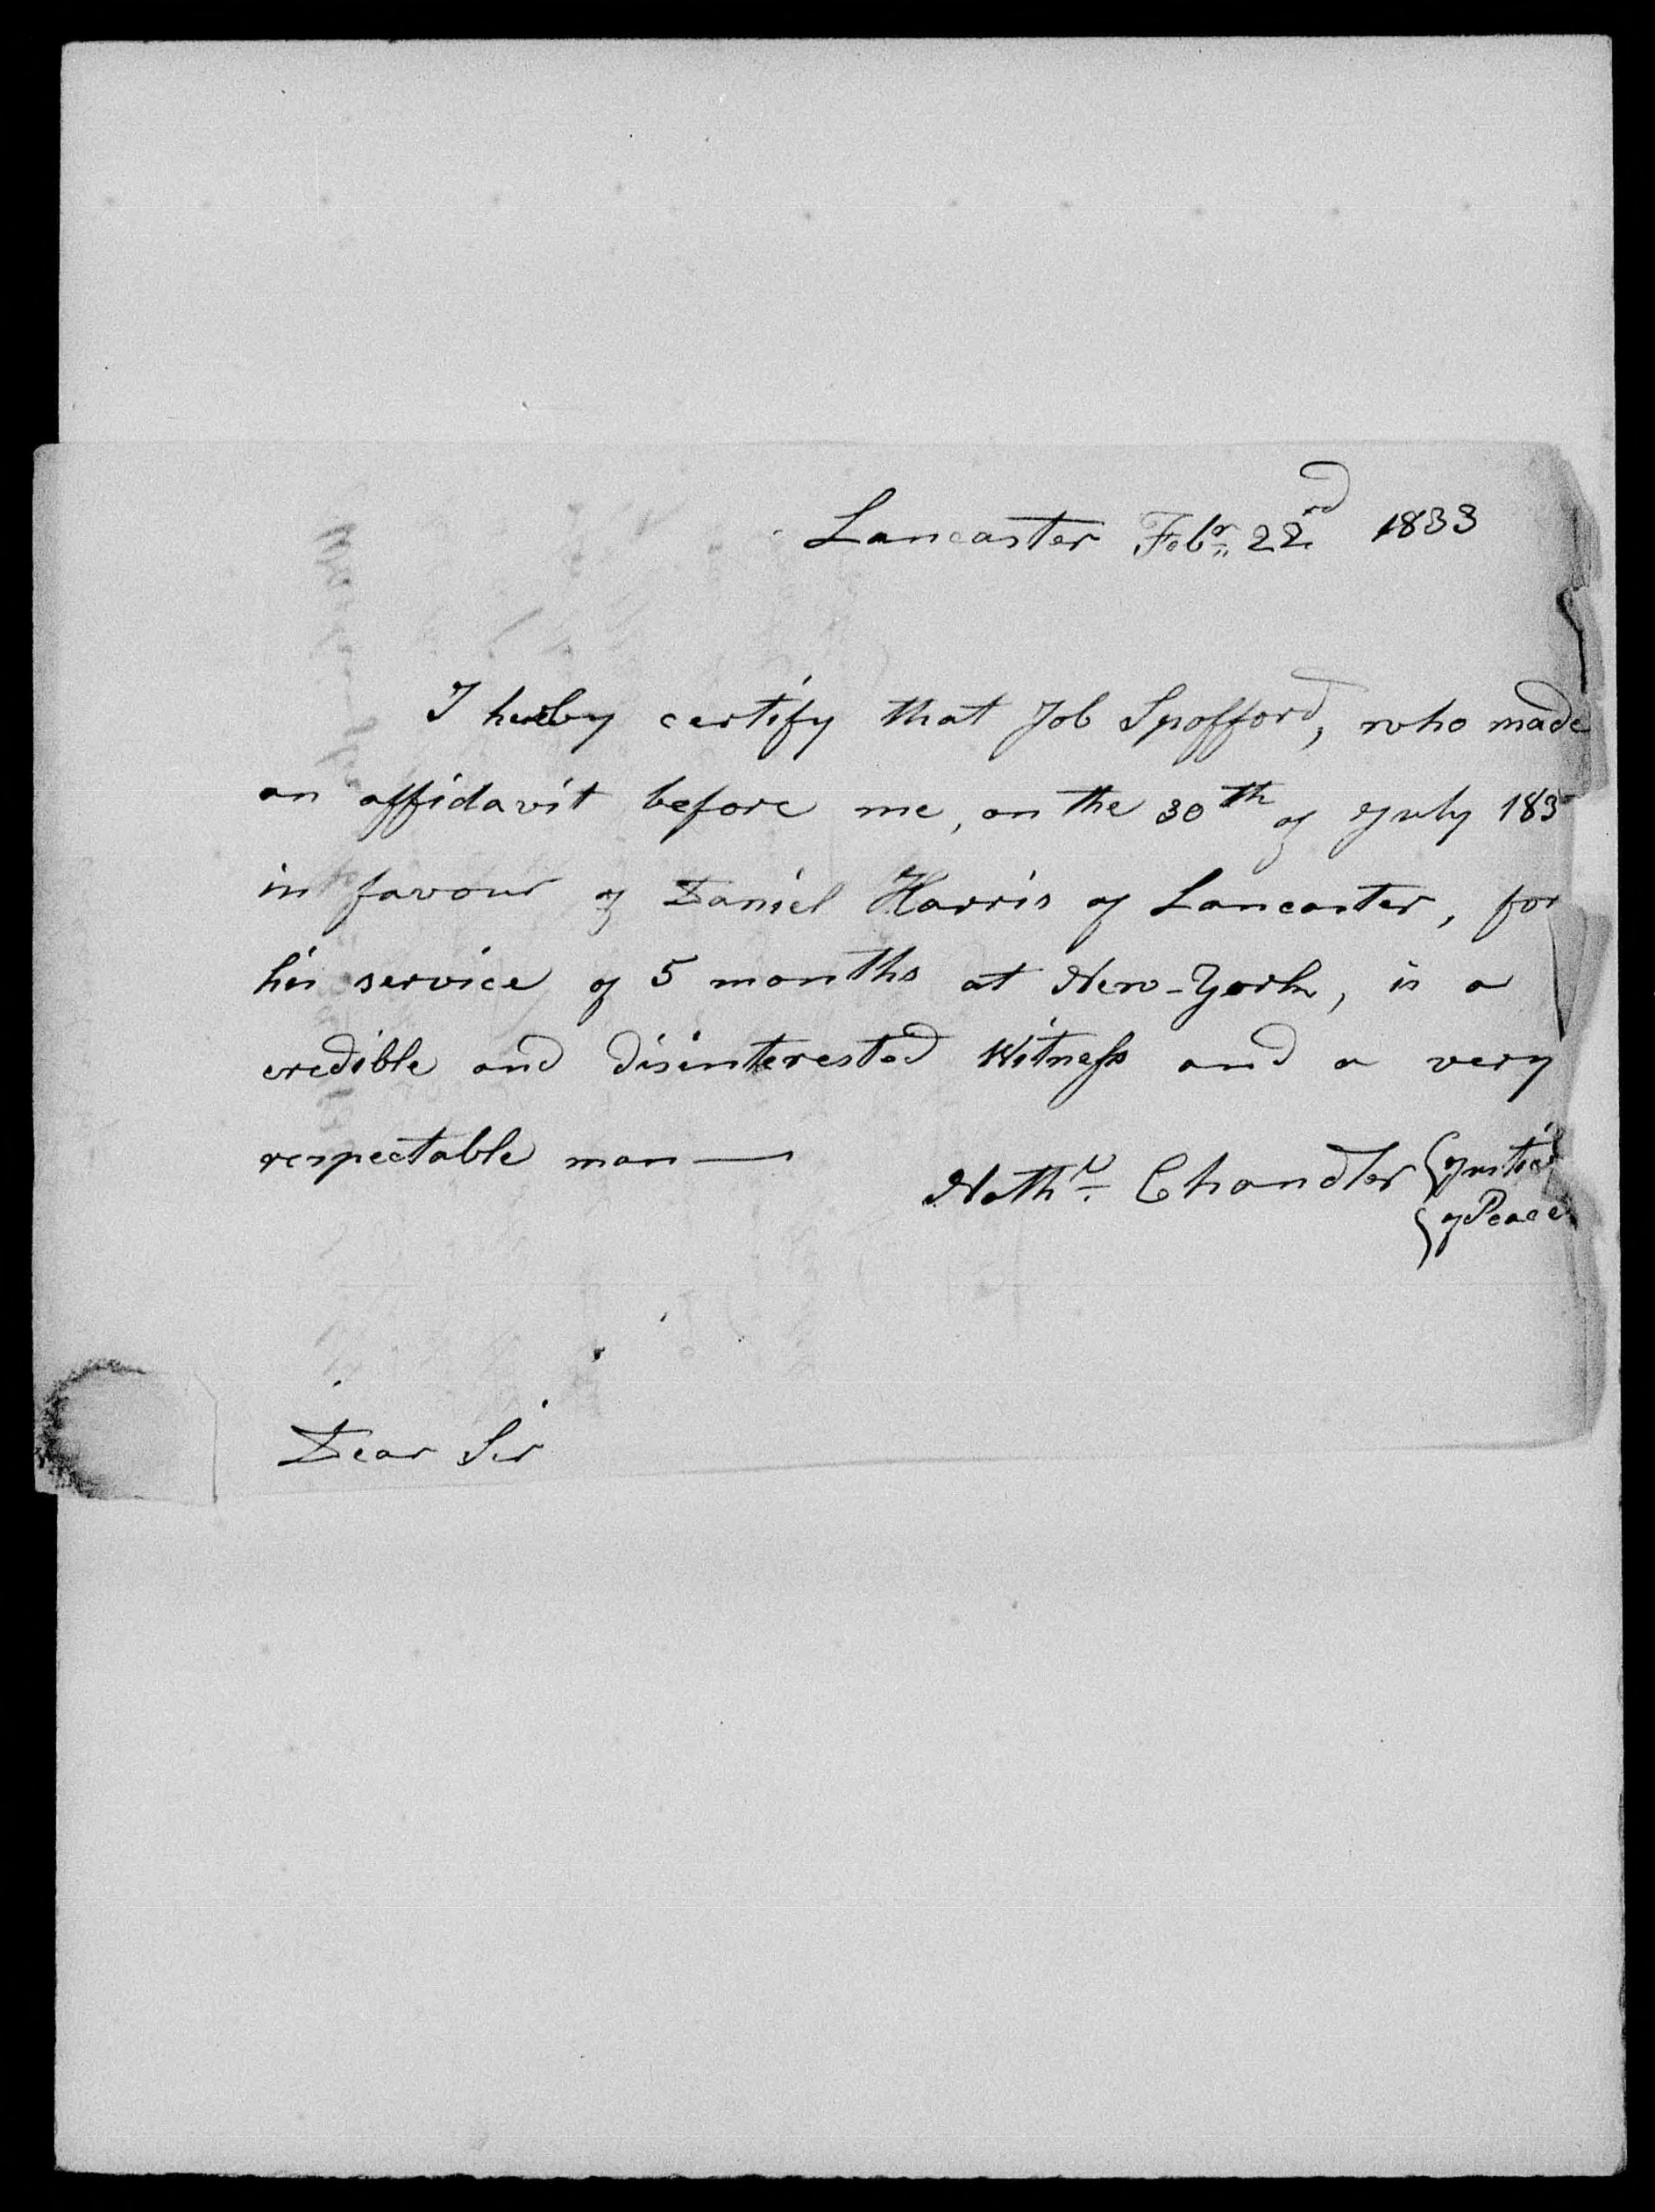Lancaster Febr 22d 1833
I hereby certify that Job Spofford, who made
an affidavit before me, on the 30th of July 183
in favor of Daniel Harris of Lancaster,
for his service of 5 months at New York,
is a credible and disinterested witness and a
very respectable man
Noth Chandler Justice
of Peace

Dear Sir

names: Daniel Harris, Nathl Chandler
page: 9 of 68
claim: survivor's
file: S. 29,877, Daniel Harris, Mass.